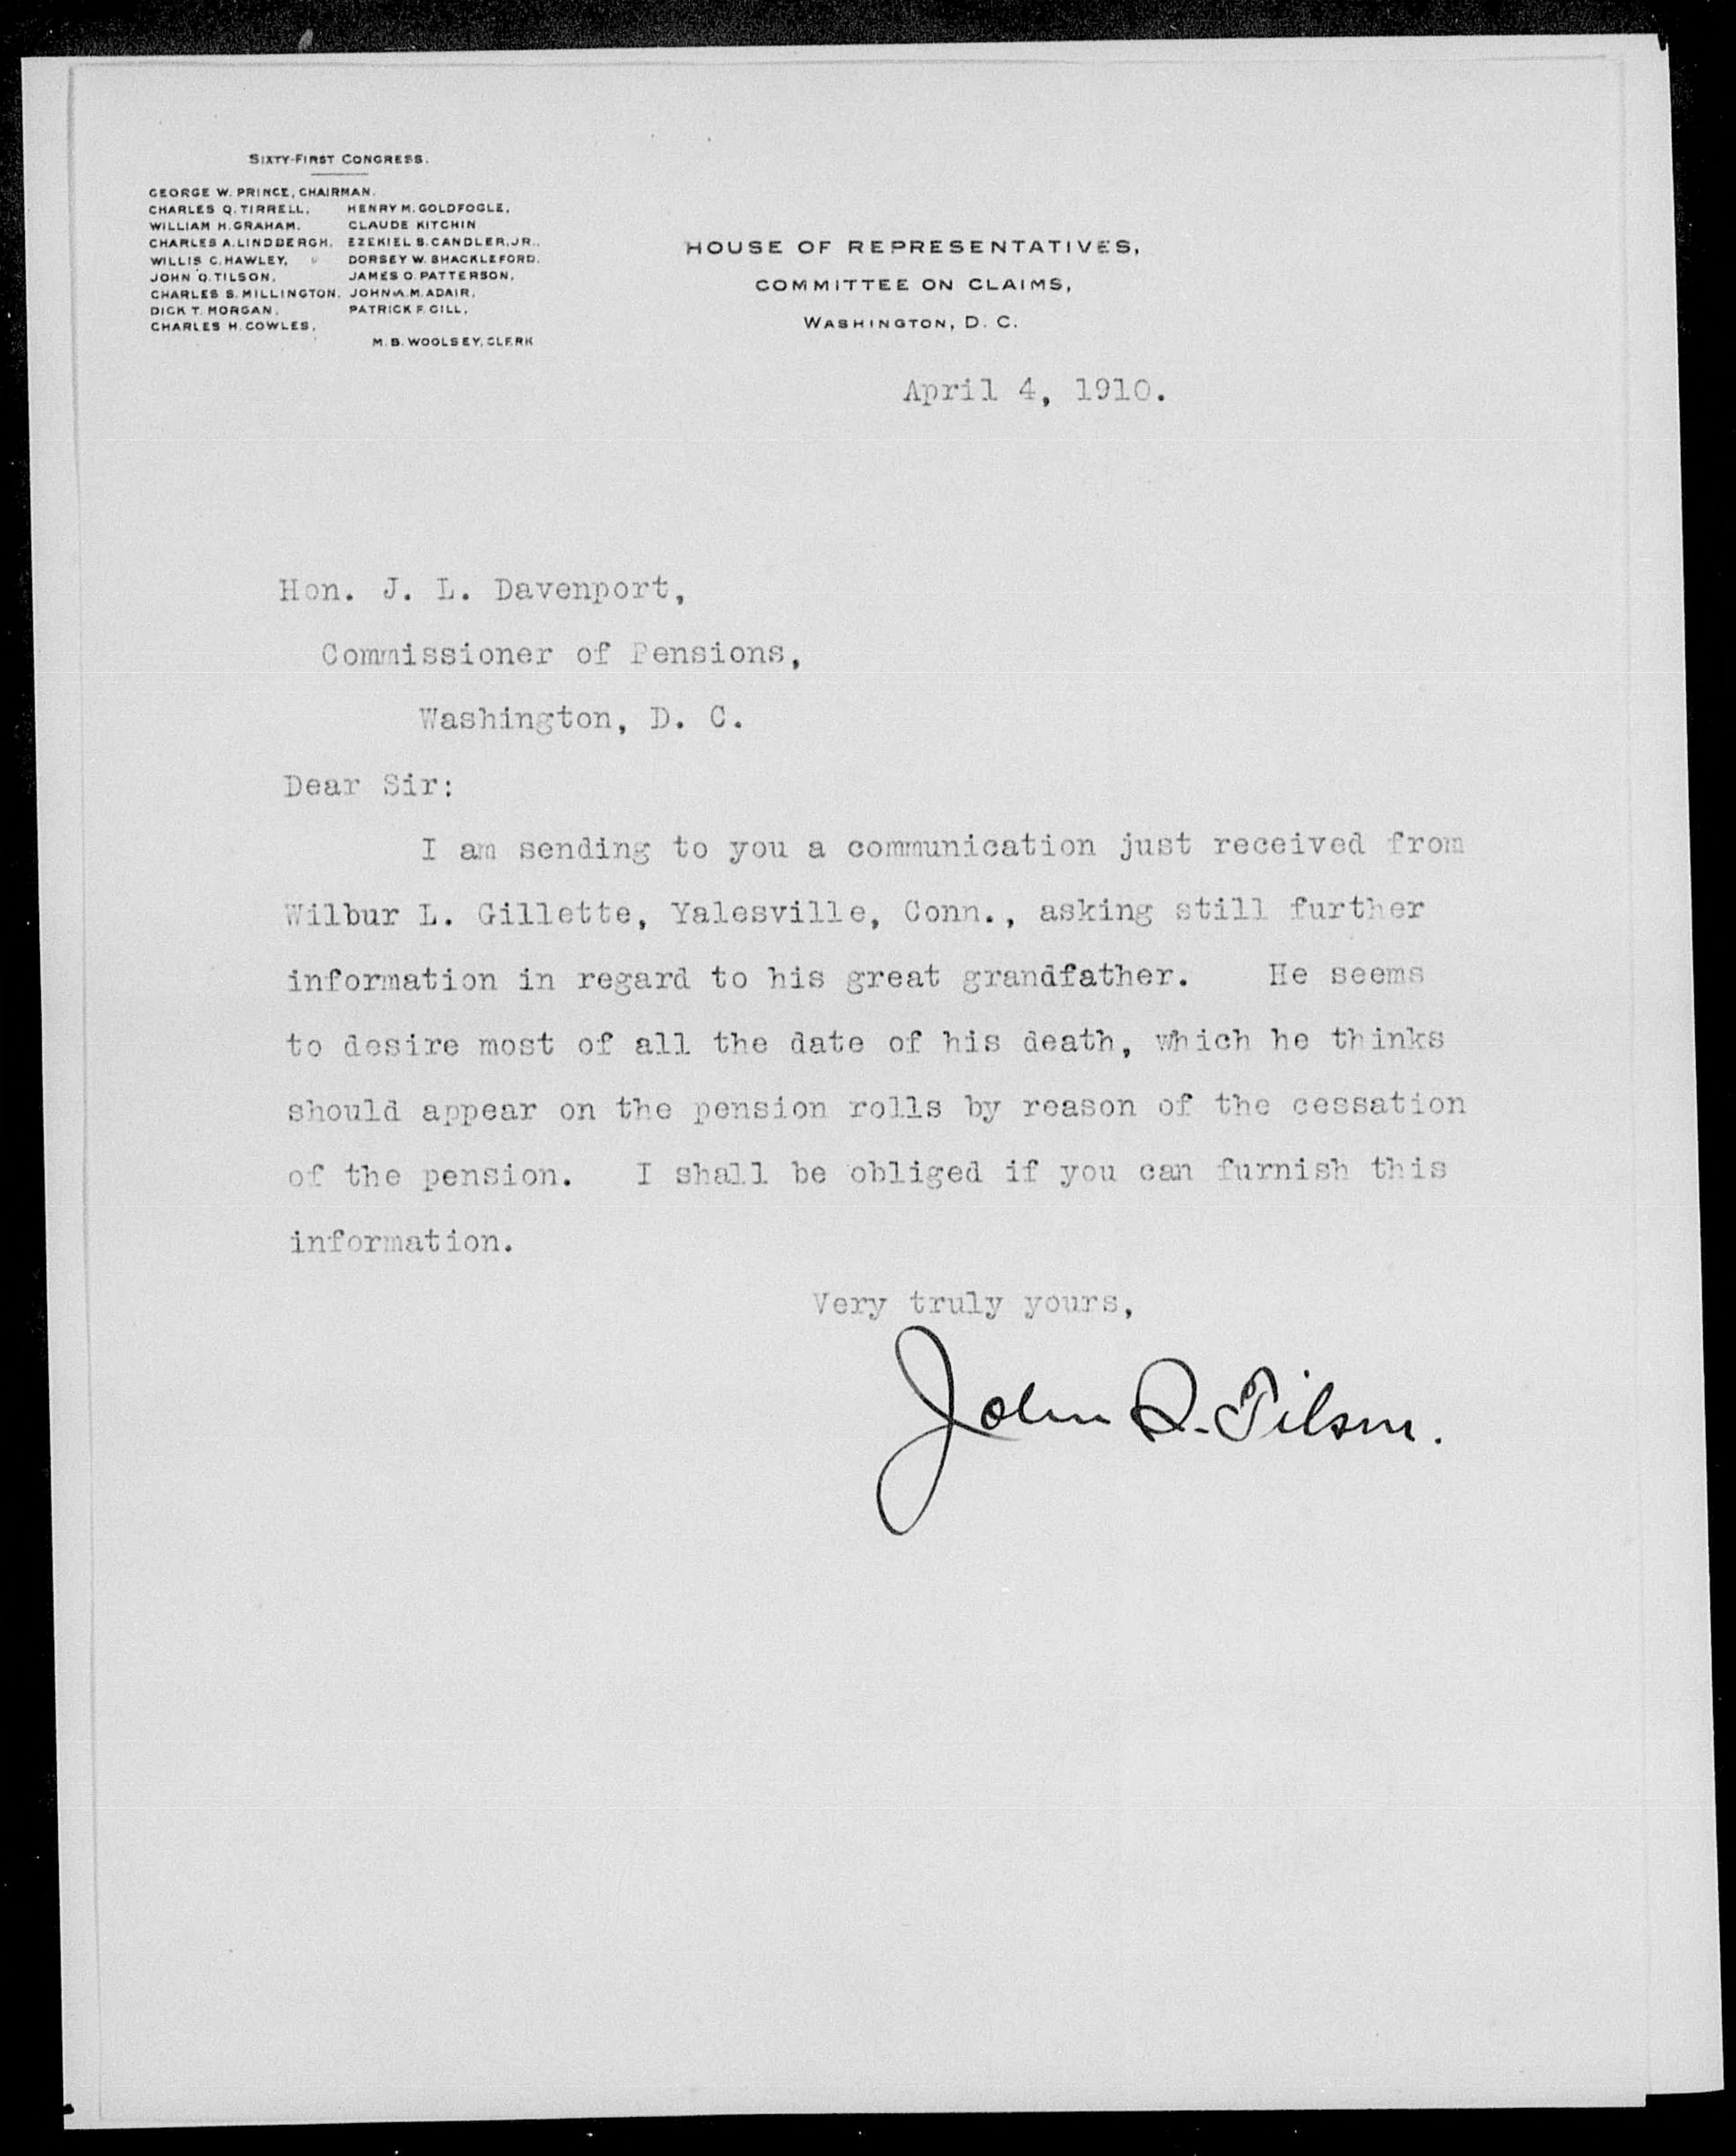Hon. J. L. Davenport,
  Commissioner of Pensions,
   Washington, D.C.

Dear Sir:

  I am sending to you a communication just received from Wilbur L. Gillette, Yalesville, Conn., asking still further information in regard to his great grandfather.  He seems to desire most of all the date of his death, which he thinks could appear on the pension rolls by reason of the cessation of the pension.  I shall be obliged if you can furnish this information.
                                   Very truly yours,
                                        John Q. Tilson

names: John Q Tilson, Charles H Cowles, Charles S Millington, William H Graham, M B Woolsey, Dorsey W Shackleford, George W Prince, John A M Adair, Henry M Goldfogle, John Q Tilson, Ezekiel B Candler, Dick T Morgan, Patrick F Gill, James O Patterson, Charles A Lindbergh, J L Davenport, Willis C Hawley, Wilbur L Gillette, Charles Q Tirrell, Claude Kitchin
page: 34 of 40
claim: survivor's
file: S. 36,537 And R. 4034, John Gillet, Conn.